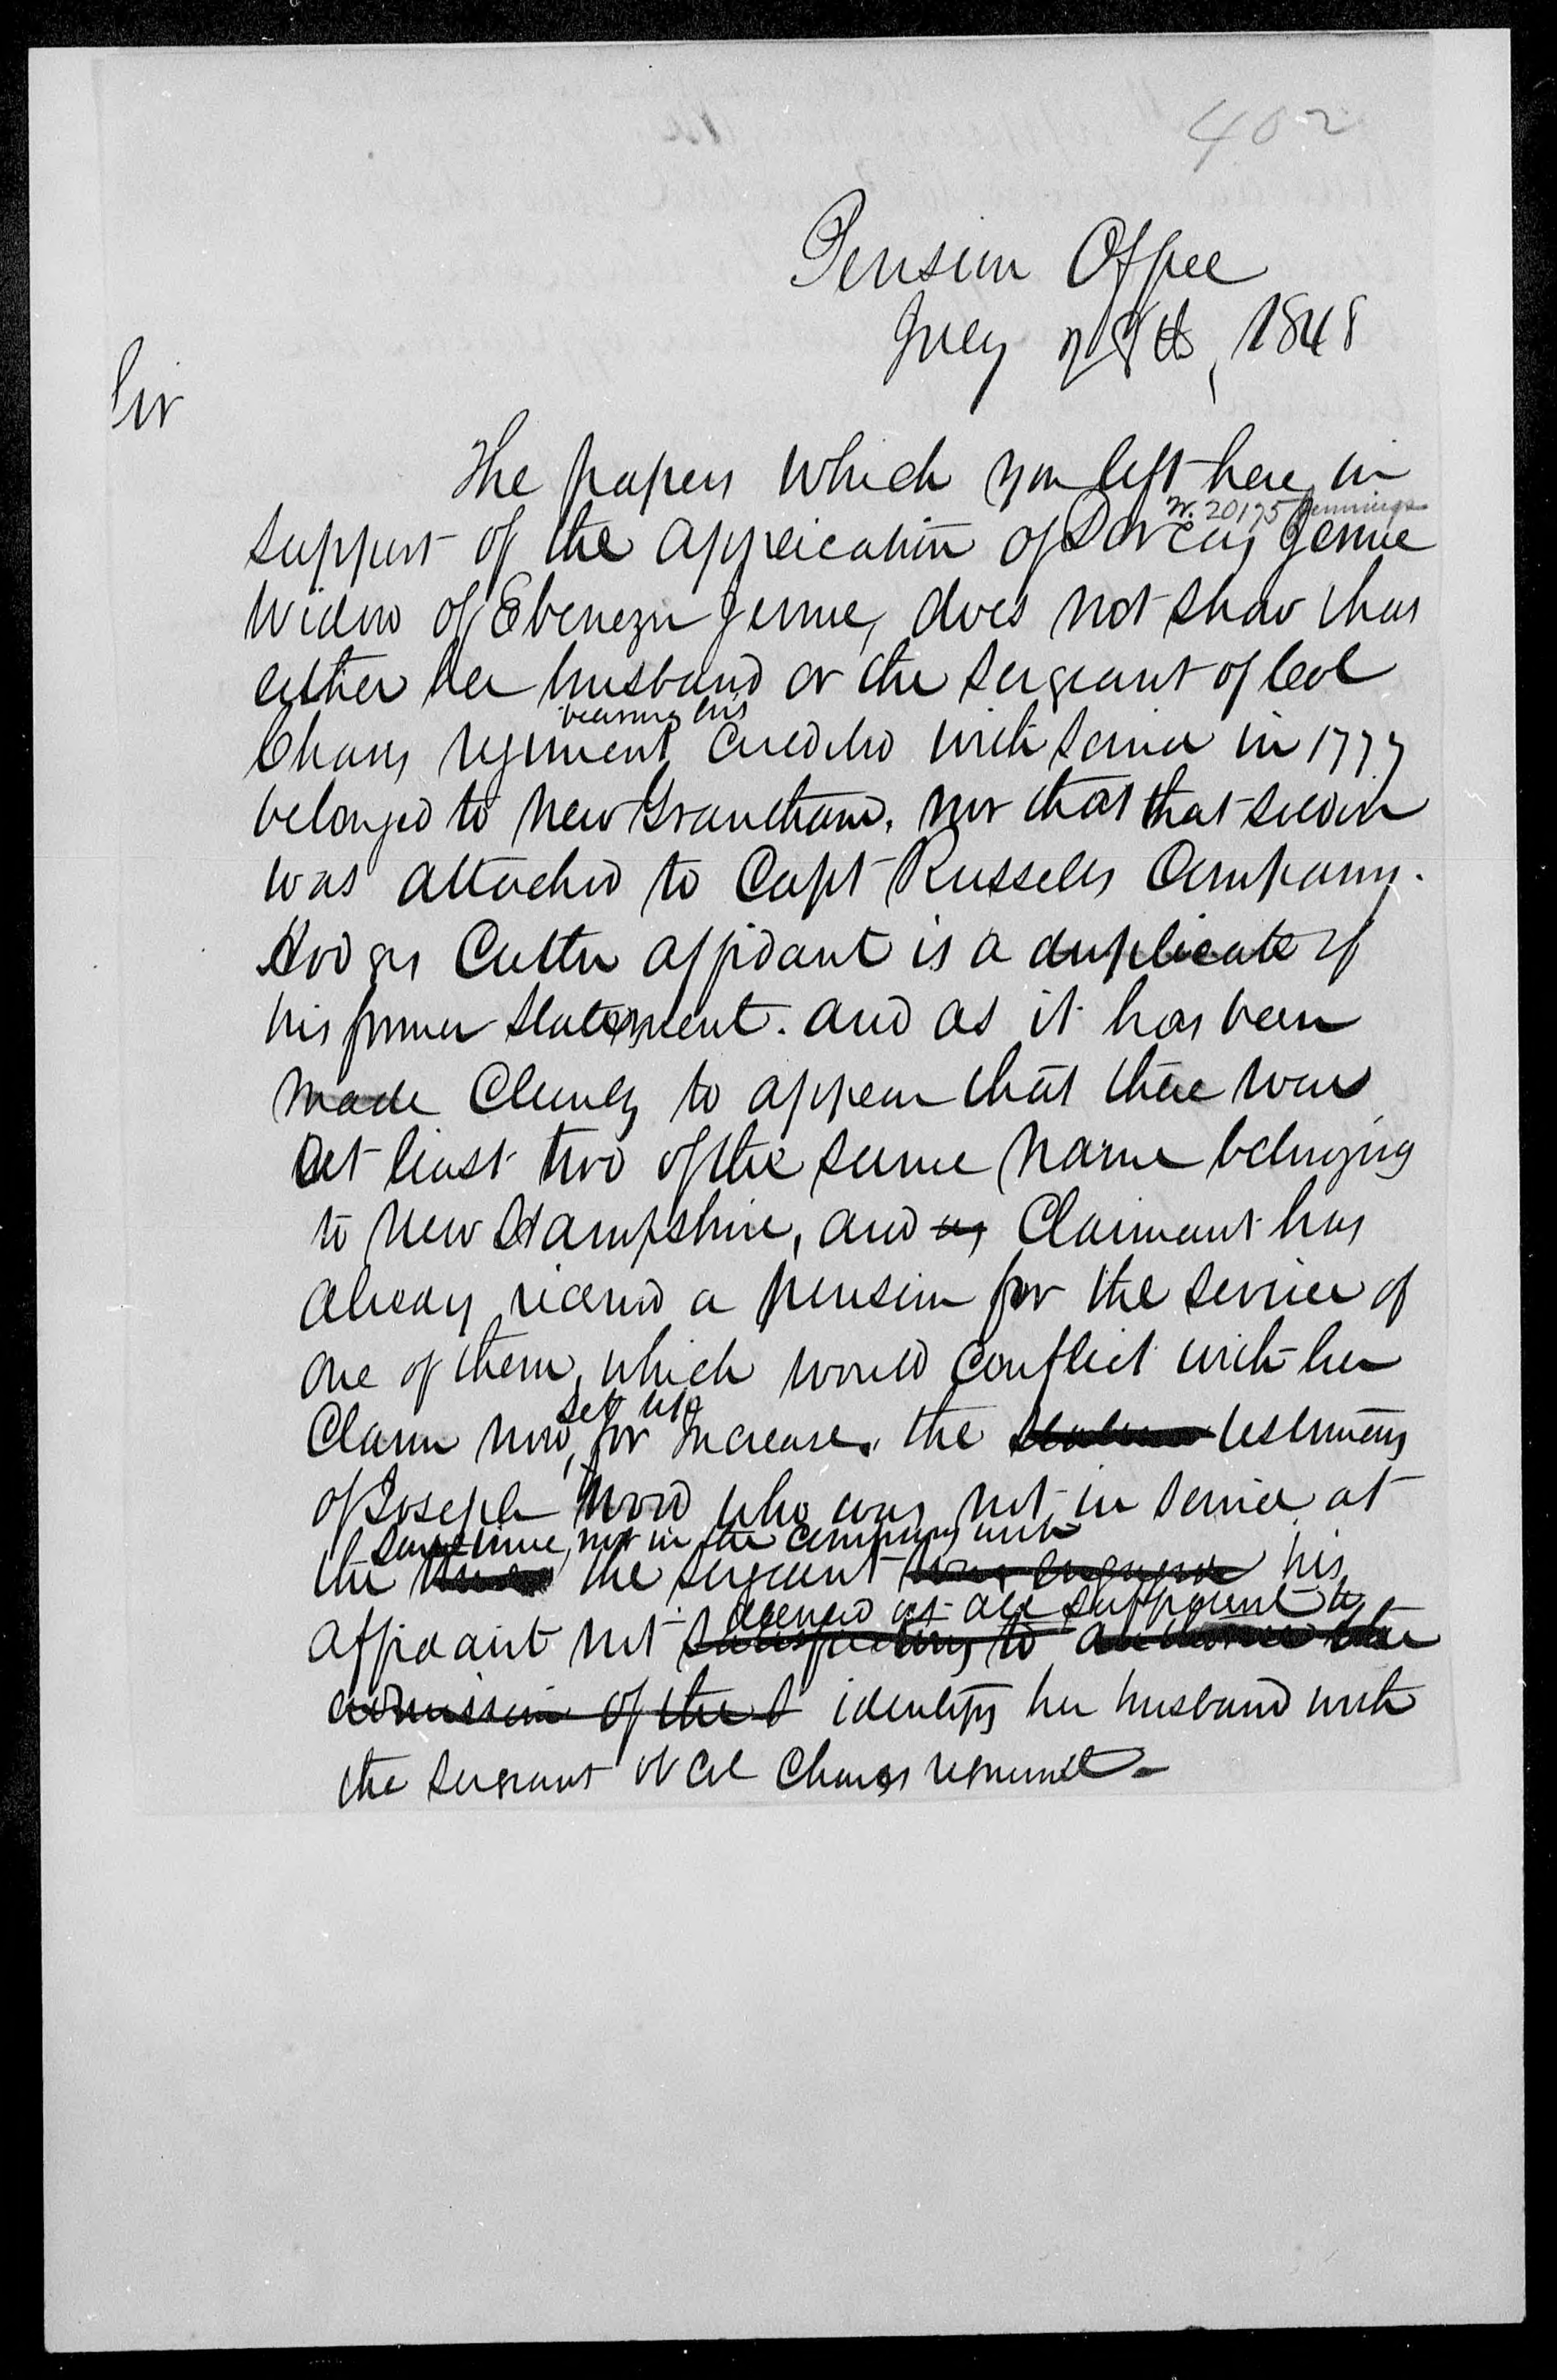Pension Office July 8th 1848 Sir The papers which you left here in support of the application of Darcy Jerme widow of Ebenezer Jerme does not show that either her husband or the sergeant of said [illegible] regiment [illegible] in 1777 belonged to New Grantham. Not that that soldier was attached to Capt Russells Company. Hodger Culter affidavit is a duplicate of his former statement and as it has been made clearly to appear that there were at least two fo the same name belonging to New Hampshire  and claimant has already received a pension for the service of one of them which would conflict with his claim now for increase the testimony os Joseph Wood who was not in service at the same time nor in the same company with the sergeant his affidavit [illegible] identify her husband with the sergeant of Col Charles [illegible]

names: Hodges Cutler, Jennings, Dorcey Jerme, Joseph Wood, Ebenezer Jerme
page: 29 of 42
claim: rejected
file: R. 2,625, Benjamin Dake, R.I.